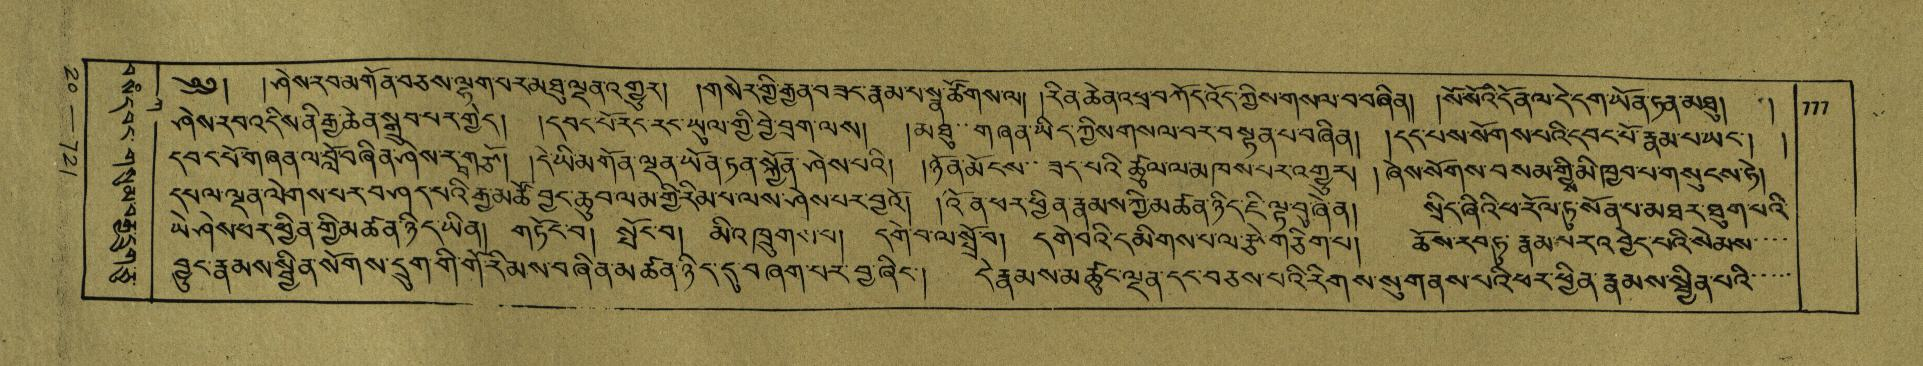༄༅། །ཤེས་རབ་མགོན་བཅས་ལྷག་པར་མཐུ་ལྡན་འགྱུར། །གསེར་གྱི་རྒྱན་བཟང་རྣམ་པ་སྣ་ཚོགས་ལ། །རིན་ཆེན་འཕྲ་བ་བཀོད་འོད་ཀྱིས་གསལ་བ་བཞིན། །སོ་སོའི་དོན་ལ་དེ་དག་ཡོན་ཏན་མཐུ།
ཤེས་རབ་འདིས་ནི་རྒྱ་ཆེན་སྒྲུབ་པར་གྱེད། །དབང་པོ་རང་རང་ཡུལ་གྱི་བྱེ་བྲག་ལས། །མཐུ་གཞན་ཡིད་ཀྱིས་གསལ་བར་བསྟན་པ་བཞིན། །དད་པས་སོགས་པའི་དབང་པོ་རྣམ་པ་ཡང་། །
དབང་པོ་གཞན་ལ་བློ་བཞིན་ཤེས་རབ་གཙོ། །དེ་ཡི་མགོན་ལྡན་ཡོན་ཏན་སྐྱོན་ཤེས་པའི། །ཉོན་མོངས་ཟད་པའི་ཚུལ་ལ་མཁས་པར་འགྱུར། །ཞེས་སོགས་བསམ་གྱིས་མི་ཁྱབ་པ་གསུངས་ཏེ།
དཔལ་ལྡན་ལེགས་པར་བཤད་པའི་རྒྱ་མཚོ་བྱང་ཆུབ་ལམ་གྱི་རིམ་པ་ལས་ཤེས་པར་བྱའོ། །འོ་ན་ཕར་ཕྱིན་རྣམས་ཀྱི་མཚན་ཉིད་ཇི་ལྟ་བུ་ཞེ་ན། སྲིད་ཞིའི་ཕ་རོལ་ཏུ་སོན་པ་མཐར་ཐུག་པའི་
ཡེ་ཤེས་ཕར་ཕྱིན་གྱི་མཚན་ཉིད་ཡིན། གཏོང་བ། སྤོང་བ། མི་འཁྲུགས་པ། དགེ་བ་ལ་སྤྲོ་བ། དགེ་བའི་དམིགས་པ་ལ་རྩེ་གཅིག་པ། ཆོས་རབ་ཏུ་རྣམ་པར་འབྱེད་པའི་སེམས་
བྱུང་རྣམས་སྦྱིན་སོགས་དྲུག་གི་གོ་རིམས་བཞིན་མཚན་ཉིད་དུ་བཞག་པར་བྱ་ཞིང་། དེ་རྣམས་མཚུང་ལྡན་དང་བཅས་པའི་རིགས་སུ་གནས་པའི་ཕར་ཕྱིན་རྣམས་སྦྱིན་པའི་